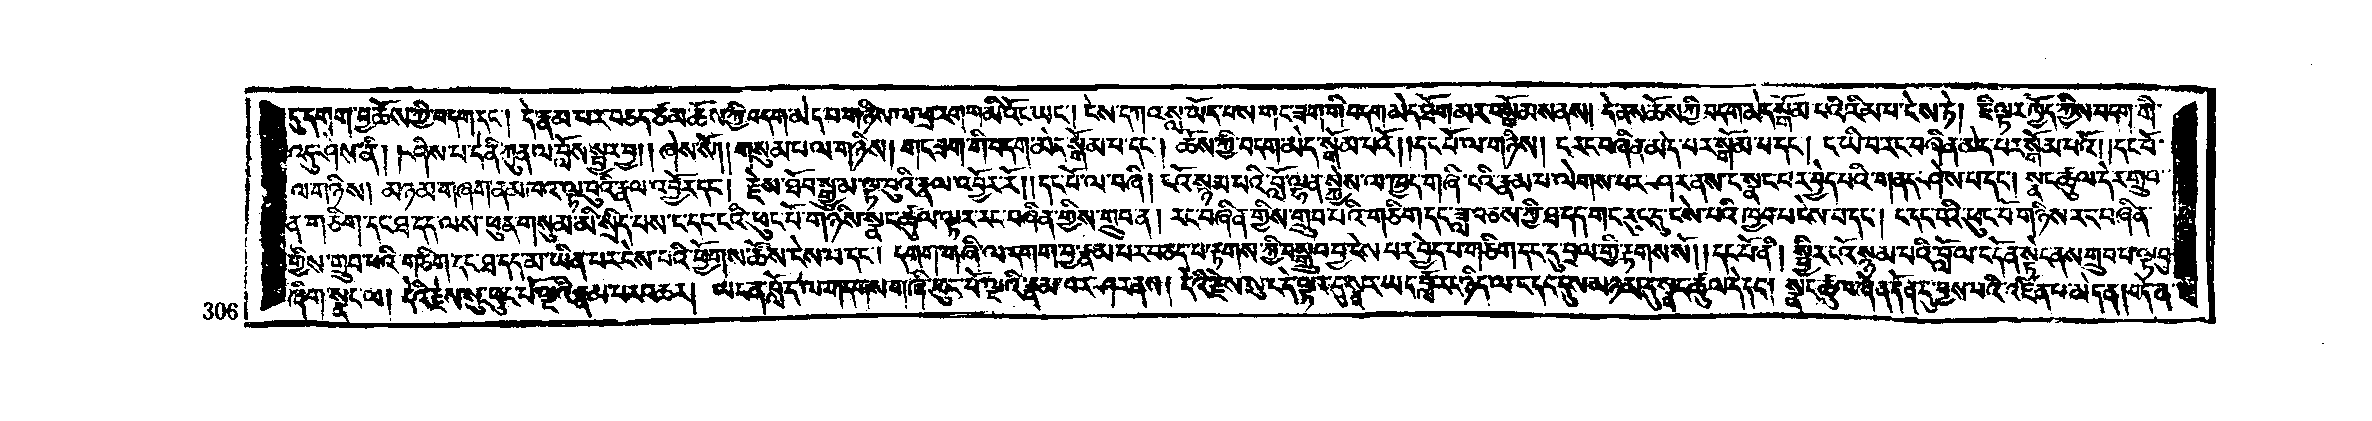དུ་དགག་བྱ་ཆོས་ཀྱི་བདག་དང་། དེ་རྣམ་པར་བཅད་ཙམ་ཆོས་ཀྱི་བདག་མེད་པ་གཉིས་ལ་ཕྲ་རགས་མི་འོང་ཡང་། ངེས་དཀའ་སླ་ཡོད་པས་གང་ཟག་གི་བདག་མེད་ཐོག་མར་བསྒོམས་ནས། དེ་ནས་ཆོས་ཀྱི་བདག་མེད་སྒོམ་པའི་རིམ་པ་ངེས་ཏེ། ཇི་ལྟར་ཁྱོད་ཀྱིས་བདག་གི་
འདུ་ཤེས་ནི། །ཤེས་པ་དེ་ནི་ཀུན་ལ་བློས་སྦྱར་བྱ། །ཞེས་སོ། །གསུམ་པ་ལ་གཉིས། གང་ཟག་གི་བདག་མེད་སྒོམ་པ་དང་། ཆོས་ཀྱི་བདག་མེད་སྒོམ་པའོ། །དང་པོ་ལ་གཉིས། ང་རང་བཞིན་མེད་པར་སྒོམ་པ་དང་། ང་ཡི་བ་རང་བཞིན་མེད་པར་སྒོམ་པའོ། །དང་པོ་
ལ་གཉིས། མཉམ་གཞག་ནམ་མཁའ་ལྟ་བུའི་རྣལ་འབྱོར་དང་། རྗེས་ཐོབ་སྒྱུ་མ་ལྟ་བུའི་རྣལ་འབྱོར་རོ། །དང་པོ་ལ་བཞི། ངའོ་སྙམ་པའི་བློ་ལྷན་སྐྱེས་ལ་ཁྱད་གཞི་ངའི་རྣམ་པ་ལེགས་པར་ཤར་ནས་ང་སྣང་བར་བྱེད་པའི་གནད་ཤེས་པ་དང་། སྣང་ཚུལ་དེར་གྲུབ་
ན་གཅིག་དང་ཐ་དད་ལས་ཕུན་གསུམ་མི་སྲིད་པས་ང་དང་ངའི་ཕུང་པོ་གཉིས་སྣང་ཚུལ་ལྟར་རང་བཞིན་གྱིས་གྲུབ་ན། རང་བཞིན་གྱིས་གྲུབ་པའི་གཅིག་དང་ཟླ་བཅས་ཀྱི་ཐ་དད་གང་རུང་དུ་ངེས་པའི་ཁྱབ་པ་ངེས་པ་དང་། ང་དང་བའི་ཕུང་པོ་གཉིས་རང་བཞིན་
གྱིས་གྲུབ་པའི་གཅིག་དང་ཐ་དད་མ་ཡིན་པར་ངེས་པའི་ཕྱོགས་ཆོས་ངེས་པ་དང་། དགག་གཞི་ལ་དགག་བྱ་རྣམ་པར་བཅད་པ་རྟགས་ཀྱི་བསྒྲུབ་བྱ་ངེས་པར་བྱེད་པ་གཅིག་དང་དུ་བྲལ་གྱི་རྟགས་སོ། །དང་པོ་ནི། སྤྱིར་ངའོ་སྙམ་པའི་བློ་ལ་བདོན་སྟེང་ནས་གྲུབ་པ་ལྟ་བུ་
ཞིག་སྣང་ལ། དེའི་རྗེས་སུ་ཕུང་པོ་ལྔའི་རྣམ་པར་འཆར། ཡང་ན་བློ་དེ་ལ་གདགས་གཞི་ཕུང་པོ་ལྔའི་རྣམ་པར་ཤར་ནས། དེའི་རྗེས་སུ་ང?་དེ་ལྟར་དུ་སྣང་ཡང་བློ་རང་ཉིད་ལ་ང་དང་དུས་མཉམ་དུ་སྣང་ཚུལ་དེ་དང་། སྣང་ཚུལ་ཞེན་དོན་དུ་བྱས་པའི་འཛིན་པ་མེད་ན། བདེན་